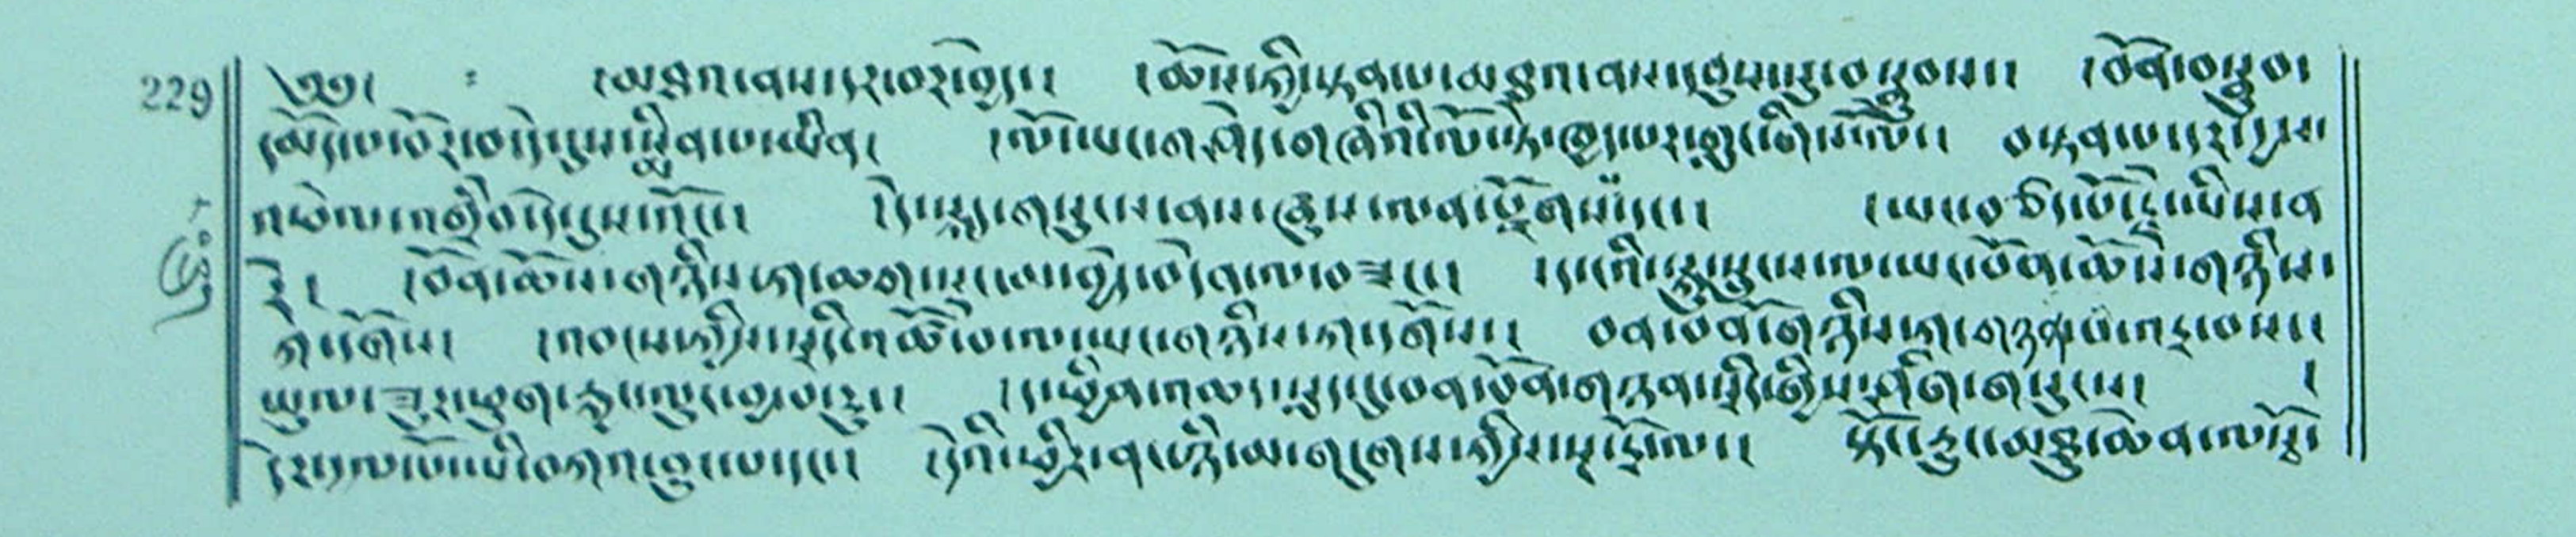༄༅། །མཐའ་ནས་དར་བར་བྱེད། ཆོས་ཀྱི་བསྟན་པ་མཐའ་ནས་དབུས་སུ་བསྣུབས། བོན་བསྣུབས་
དམོད་པ་བོར་བ་དེ་དུས་སྨིན་པ་ཡིན། ལོ་ཡང་གཤེད་གཞིའི་ལོ་སྟེ་ཁྱད་པར་གླང་གི་ལོ། བསྟན་པ་དར་རྒྱས་
འཕེལ་འགྲིབ་དེ་དུས་འོང་། དེ་སྐད་གསུངས་ནས་ཞུས་ལན་རྫོགས་པ་དང་། ཡང་བཙད་པོ་རྗེའི་ཞལ་ན་
རེ། བོན་ཆོས་གཉིས་ཀ་ཆགས་སྡང་མ་བྱེད་བདེན་ལ་བཟང་། ད་ངའི་སྐུ་བསྲུངས་ལ་ཡང་བོན་ཆོས་གཉིས་
ཀ་དགོས། འབངས་ཀྱི་སྲིད་འཚོ་བ་ལ་ཡང་གཉིས་ཀ་དགོས། བན་བོན་གཉིས་ཀ་གཉན་པ་འདྲ་བས།། 
ཡུལ་ཟུར་ཕུག་རྐྱང་ལུང་བྱ་བ་རུ། ད་ཕྱིན་ཆད་སླད་དུ་བན་བོན་གཉེན་སྲིད་གྱིས་ཤིག་གསུངས། 
དེར་རྒྱལ་བོའི་བཀའ་བྱུང་བ་དང་། དེའི་ཕྱིར་ནང་ཉི་མ་གདུགས་ཀྱི་སྔ་དྲོ་ལ། སྟོང་རྒྱུང་མཐུ་ཆེན་ལས་སོགས་